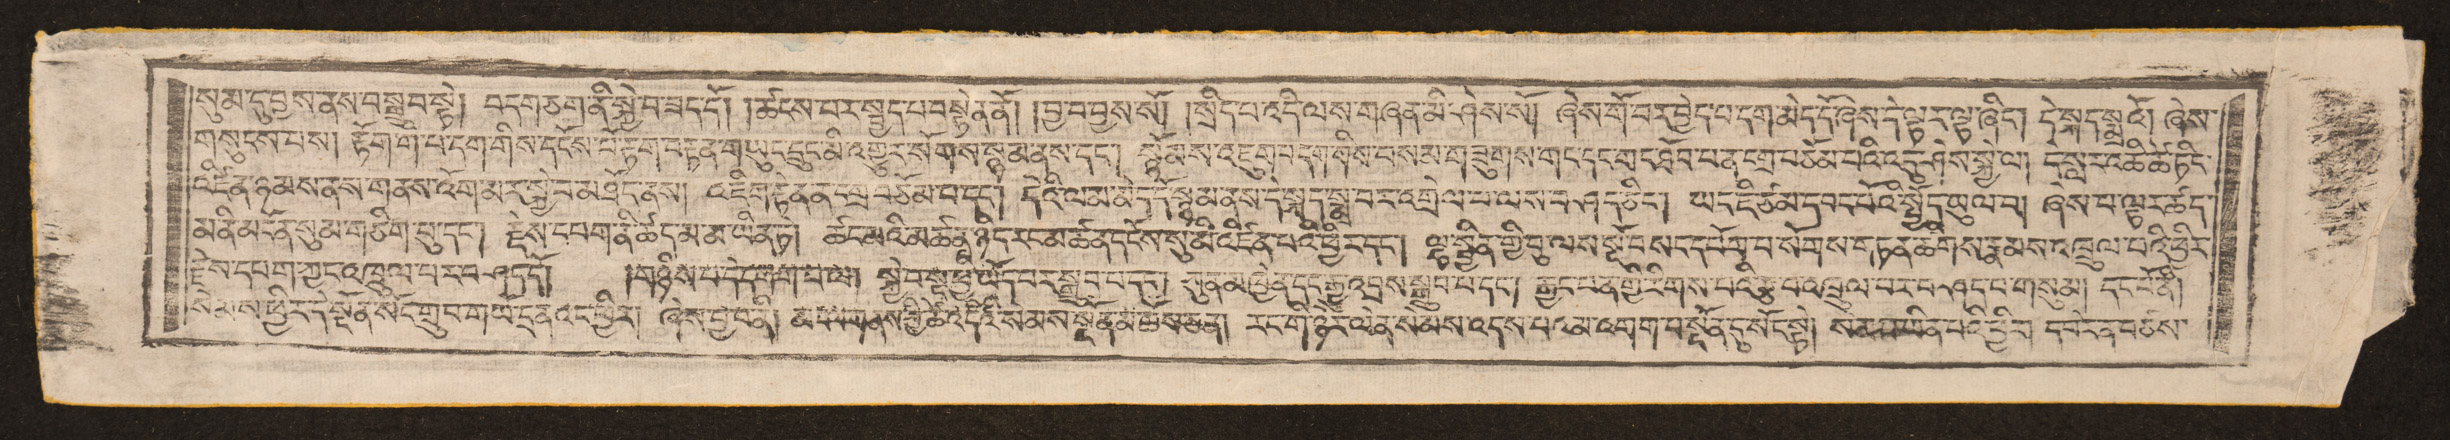སུམ་དུ་བྱས་ནས་བསྒྲུབ་སྟེ། བདག་ཅག་ནི་སྐྱེ་བ་ཟད་དོ། །ཚངས་པར་སྤྱད་པ་བསྟེན་ནོ། །བྱ་བ་བྱས་སོ། །སྲིད་པ་འདི་ལས་གཞན་མི་ཤེས་སོ། ཞེས་གོ་བར་བྱེད་པ་ངག་མེད་དོ་ཞེས་དེ་ལྟར་ལྟ་ཞིང་། དེ་སྐད་སྨྲའོ། ཞེས་
གསུངས་པས། རྟོག་གི་པ་དག་གིས་དངོས་པོ་རྟག་བརྟན་གཡུང་དྲུང་མི་འགྱུར་སོགས་སྙམ་ནས་དང་། སྙོམས་འཇུག་བདག་གིས་བསམ་གཟུགས་གང་དང་གང་ཐོབ་པ་ན་དགྲ་བཅོམ་པའི་འདུ་ཤེས་སྐྱེ་ལ། དེ་སླར་འཆི་ཚེ་ཏིང་
འཛིན་ཉམས་ནས་གནས་འོག་མར་སྐྱེ་བ་མཐོང་ནས། འཇིག་རྟེན་ན་དགྲ་བཅོམ་པ་དང་། དེའི་ལམ་མེད་དོ་སྙམ་ནས་དེ་སྐད་སྨྲ་བར་འགྲེལ་བ་ལས་བཤད་ཅིང་། ཡང་ཇི་ཙམ་དབང་བོའི་སྤྱོད་ཡུལ་བ། ཞེས་པ་ལྟར་ཚད་
མ་ནི་མངོན་སུམ་གཅིག་པུ་དང་། རྗེས་དཔག་ནི་ཚད་མ་མ་ཡིན་ཏེ། ཚད་མའི་མཚན་ཉིད་རང་མཚན་དངོས་སུ་མི་འཛིན་པའི་ཕྱིར་དང་། ལྷ་སྦྱིན་གྱི་བུ་ལས་སྔོ་བསང་དཔོག་པ་སོགས་གཏན་ཚིགས་རྣམས་འཁྲུལ་པའི་ཕྱིར་
རྗེས་དཔག་ཀྱང་འཁྲུལ་པར་བཤད་དོ། །གཉིས་པ་དེ་དགག་པ་ལ། སྐྱེ་བ་སྔ་ཕྱི་ཡོད་པར་སྒྲུབ་པ་དང་། ཀུན་མཁྱེན་དང་རྒྱུ་འབྲས་སྒྲུབ་བ་དང་། རྒྱང་བན་གྱི་རིགས་པའི་རྩ་བ་འཁྲུལ་པར་བཤད་པ་གསུམ། དང་པོ་ནི།
སེམས་ཕྱིར་དེ་སྔོན་སོང་གྲུབ་གཡོ་དྲན་འང་ཕྱིར། ཞེས་བྱ་བ་ནི། མངལ་གནས་ཀྱི་ཚེ་འདིའི་སེམས་སྔོན་མ་ཆོས་ཅན། རང་གི་ཉེར་ལེན་སེམས་འདས་བའམ་འགག་པ་སྔོན་དུ་སོང་སྟེ། སེམས་ཡིན་པའི་ཕྱིར། དཔེར་ན་བཙས་